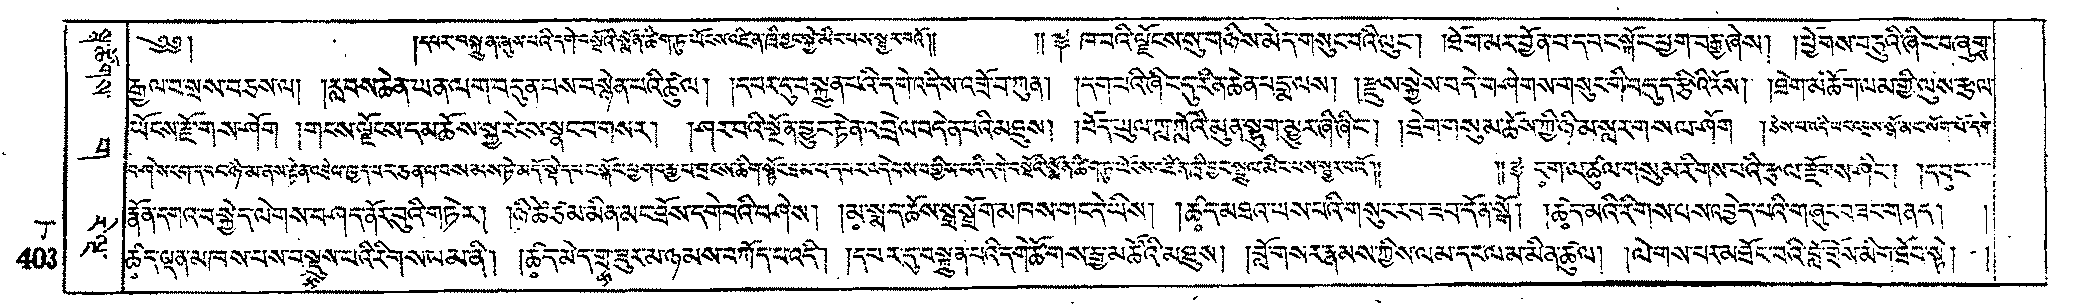༄༅། །དཔར་བསྐྲུན་ཞུས་པའི་དགེ་བསྔོའི་སྨོན་ཚིག་ཏུ་ཡོངས་འཛིན་ཁྲི་བྱང་སྐྱེ་མིང་པས་སྦྱར་བའོ།། །།འ་ཁ་བའི་ལྗོངས་སུ་གཉིས་མེད་གསུང་བའི་ལུང་། །ཐོག་མར་བྱོན་པ་དབང་སྐོང་ཕྱག་བརྒྱ་ཞེས། །ཕྱོགས་བཅུའི་ཞིང་བཞུགས་
རྒྱལ་བ་སྲས་བཅས་ལ། །རླབས་ཆེན་ཡན་ལག་བདུན་པས་བསྙེན་པའི་ཚུལ། །དཔར་དུ་བསྐྲུན་པའི་དགེ་འདིས་འགྲོ་བ་ཀུན། །དག་པའི་ཞིང་དུ་རིན་ཆེན་པདམ་ལས། །རྫུས་སྐྱེས་བདེ་གཤེགས་གསུང་གི་བདུད་རྩིའི་རོས། །ཐེག་མཆོག་ལམ་གྱི་ལུས་རྩལ་
ཡོངས་རྫོགས་ཤོག །གངས་ལྗོངས་དམ་ཆོས་སྐྱ་རེངས་སྣང་བ་གསར། །ཤར་བའི་སྔོན་བྱུང་རྟེན་འབྲེལ་བདེན་པའི་མཐུས། །བོད་ཡུལ་ཀླ་ཀློའི་མུན་སྟུག་མྱུར་ཞི་ཞིང་། །ཐེག་གསུམ་ཆོས་ཀྱི་ཉི་མ་སླར་གསལ་ཤོག །ཅེས་པ་འདི་ཡང་འབྲས་སྒོ་མང་སོག་པོ་དགེ་
བཤེས་ངག་དབང་ཉི་མ་ནས་རྟེན་འབྲེལ་ཁྱད་པར་ཅན་ལ་བསམས་ཏེ་མདོ་སྡེ་དཔང་སྐོང་ཕྱག་བརྒྱ་པ་གྲངས་ཆིག་སྟོང་ཐམ་པ་དཔར་འདེབས་བགྱིས་པའི་དགེ་བསྔོའི་སྨོན་ཚིག་ཏུ་ཡོངས་འཛིན་ཁྲི་བྱང་སྤྲུལ་མིང་པས་སྦྱར་བའོ།། །།འ་ངག྾་ལ་ཚུལ་གསུམ་རིགས་པའི་རྩལ་རྫོགས་ཤིང་། །དབང྾་་་
རྣོན་དགའ་བསྐྱེད་ལེགས་བཤད་ནོར་བུའི་གཏེར། །ཉི྾་ཚེ་ཙམ་མིན་མང་ཐོས་དགེ་བའི་བཤེས། །མ྾་སྨད་ཆོས་སྒྲ་སྒྲོག་མཁས་གང་དེ་ཡིས། །ཚད྾་མཐའ་ཡས་པའི་གསུང་རབ་ཟབ་དོན་སྒོ། །ཚད྾་མའི་རིགས་པས་འབྱེད་པའི་གཞུང་བཟང་གནད། །
ཚད྾་ལྡན་མཁས་པས་བསྡུས་པའི་རིགས་ལམ་ནི། །ཚད྾་མེད་གྲ་ཟུར་མ་ཉམས་བཀོད་པ་འདི། །དཔར་དུ་བསྐྲུན་པའི་དགེ་ཚོགས་རྒྱ་མཚོའི་མཐུས། །བློ་གསར་རྣམས་ཀྱིས་ལམ་དང་ལམ་མིན་ཚུལ། །ལེགས་པར་མཐོང་བའི་བློ་གྲོས་མིག་ཐོབ་སྟེ། །